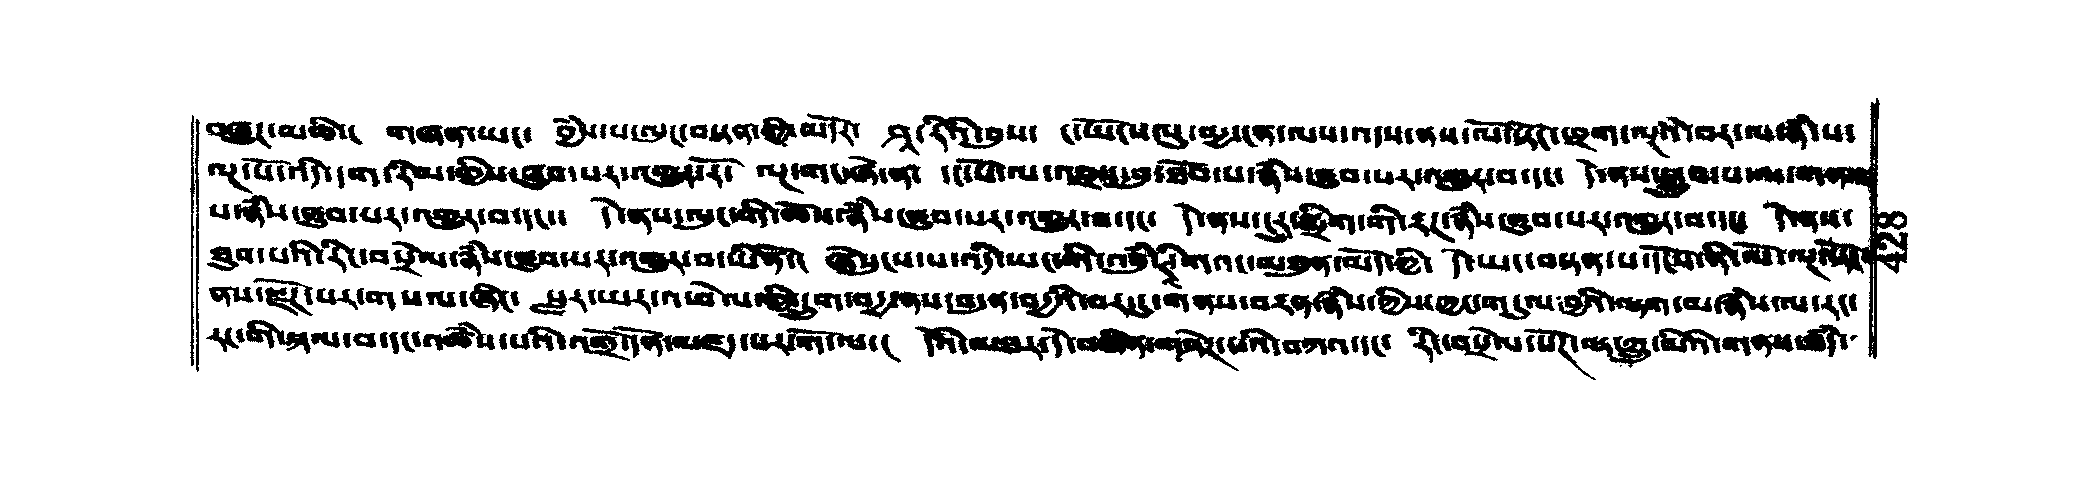བཞུགས་མཆི། གཞན་ཡང་། བྱམས་པ་ལུང་བསྟན་གྱི་མདོར། ཤཱ་རིའི་བུས། ང་ཡོངས་སུ་མྱ་ངན་ལས་འདས་ནས་ལོ་སྟོང་ཕྲག་ལྔའི་བར་ལ་རྣམ་པ་
ལྔ་པོ་འདི་དག་རིམ་གྱིས་ནུབ་པར་འགྱུར་རོ། ལྔ་གང་ཞེ་ན། དང་པོ་ལ་འབྲས་བུ་ཐོབ་པ་རྣམས་ནུབ་པར་འགྱུར་བ་དང་། དེ་ནས་སྒྲུབ་པ་ལ་གནས་
པ་རྣམས་ནུབ་པར་འགྱུར་བ་དང་། དེ་ནས་ལུང་གི་ཆོས་རྣམས་ནུབ་པར་འགྱུར་བ་དང་། དེ་ནས་ངུར་སྨྲིག་གི་རྟགས་རྣམས་ནུབ་པར་འགྱུར་བ་དང་། དེ་ནས་
ཐུབ་པའི་རིང་བསྲེས་རྣམས་ནུབ་པར་འགྱུར་བ་ཡིན་ནོ། ཞེས་གསུངས་པ་འདི་ཡང་འབུམ་ཊཱི་གའང་མཐུན་མོད་ཀྱི། དེ་ཡང་བསྟན་པ་དངོས་ནི་ལོ་ལྔ་སྟོང་
ནས་རྫོགས་པར་གསལ་ཞིང་། སླར་ཡར་འཕེལ་གྱི་དྲུག་བརྒྱ་ནས་བདུན་བརྒྱའི་བར་དུ་གནས་བརྟན་རྣམས་ཀྱིས་ཀྱང་གདུལ་བྱའི་ལྷག་མ་རྣམས་ལ་རང་
རང་གི་སྐལ་བ་དང་འཚམས་པའི་འགྲོ་དོན་མཛད་པར་གོ་ལ། དེའི་མཐར་དེ་བཞིན་གཤེགས་པའི་བཀའ་དང་། རིང་བསྲེལ་སོགས་ལྷ་ཀླུ་མིའི་གནས་ཐམས་ཅད་